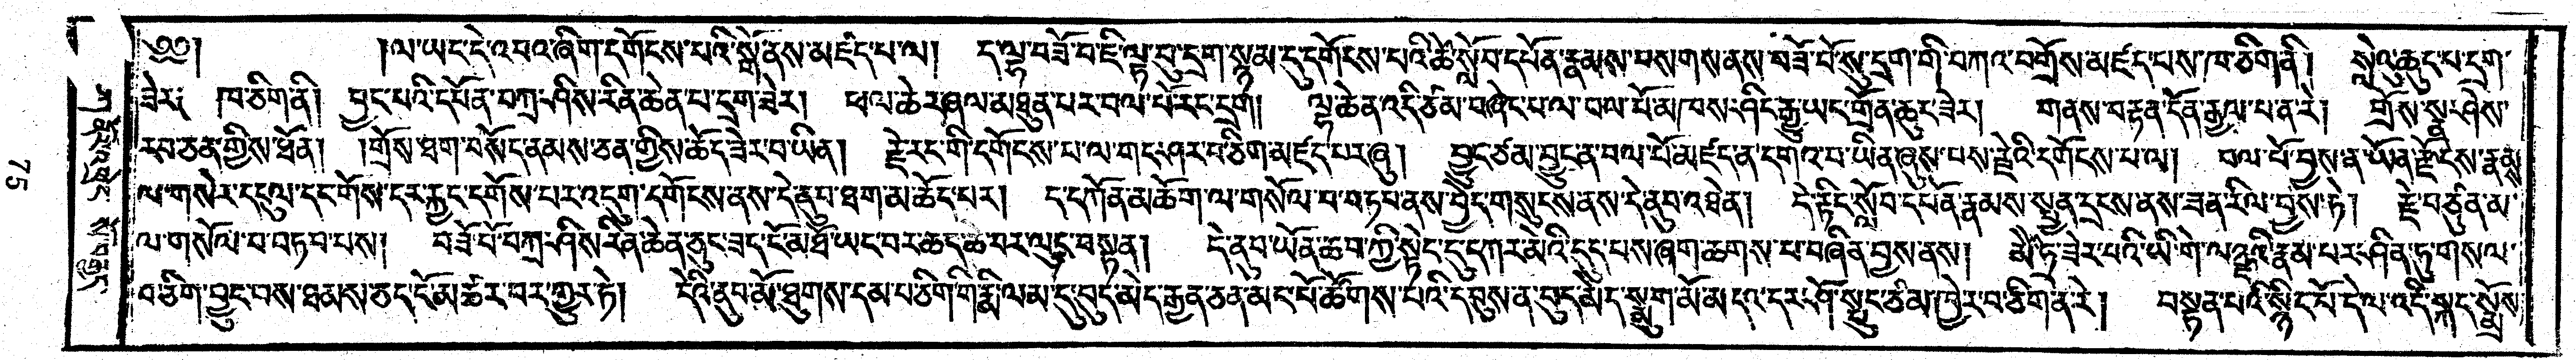༄༅། །ལ་ཡང་དེ་འབའ་ཞིག་དགོངས་པའི་སྒོ་ནས་མཛད་པ་ལ། ད་ལྷ་བཟོ་བ་ཇི་ལྟ་བུ་དྲག་སྙམ་དུ་དགོངས་པའི་ཚེ་སློབ་དཔོན་རྣམས་བསགས་ནས་བཟོ་བོ་སུ་དྲག་གི་བཀའ་བགྲོས་མཛད་པས་ཁ་ཅིག་ནི། སླེའུ་ཆུང་པ་དྲག་
ཟེར༑ ཁ་ཅིག་ནི། བྱང་པའི་དཔོན་བཀྲ་ཤིས་རིན་ཆེན་པ་དྲག་ཟེར། ཕལ་ཆེར་ཞལ་མཐུན་པར་བལ་པོ་རང་དྲག། ལྷ་ཆེན་འདི་ཙམ་བཞེང་པ་ལ་བལ་པོ་མཁས་ཤིང་རྒྱུ་ཡང་གྲོན་ཆུང་ཟེར། གནས་བརྟན་དོན་རྒྱལ་པ་ན་རེ། གྲོས་སྣ་ཤེས་
རབ་ཅན་གྱིས་ཐོན། །གྲོས་ཐག་བསོད་ནམས་ཅན་གྱིས་ཆོད་ཟེར་བ་ཡིན། རྗེ་རང་གི་དགོངས་པ་ལ་གང་ཤར་བ་ཅིག་མཛད་པར་ཞུ། བྱུང་ཙམ་བྱུང་ན་བལ་པོ་མཛད་ན་དགའ་བ་ཡིན་ཞུས་པས་རྗེའི་དགོངས་པ་ལ། བལ་པོ་བྱས་ན་ཡོན་རྫོངས་རྣམས་
ལ་གསེར་དངུལ་དང་གོས་དར་རྐྱང་དགོས་པར་འདུག་དགོངས་ནས་དེ་ནུབ་ཐག་མ་ཆོད་པར། ད་དཀོན་མཆོག་ལ་གསོལ་བ་བཏབ་ནས་བྱེད་གསུངས་ནས་དེ་ནུབ་འཐེན། དེ་རྟིང་སློབ་དཔོན་རྣམས་སྤྱན་དྲངས་ནས་ཟན་རིལ་བྱས་ཏེ། རྗེ་བཙུན་མ་
ལ་གསོལ་བ་བཏབ་པས། བཟོ་པོ་བཀྲ་ཤིས་རིན་ཆེན་ཅུང་ཟད་ངོ་མཐོ་ཡང་བར་ཆད་ཆེ་བར་ལུང་བསྟན། དེ་ནུབ་ཡོན་ཆབ་ཀྱི་སྟེང་དུ་དཀར་མེའི་དུད་པས་ཞག་ཆགས་པ་བཞིན་བྱས་ནས། མཻ་ཏྲེ་ཟེར་པའི་ཡི་གེ་ལཉྫའི་རྣམ་པར་ཤིན་ཏུ་གསལ་
བ་ཅིག་བྱུང་བས་ཐམས་ཅད་ངོ་མཚར་བར་གྱུར་ཏེ། དེའི་ནུབ་མོ་ཐུགས་དམ་པ་ཅིག་གི་རྨི་ལམ་དུ་བུད་མེད་རྒྱན་ཅན་མང་པོ་ཚོགས་པའི་དབུས་ན་བུད་མེད་སྨུག་མོ་མདའ་དར་ཤོ་སྤུང་ཅིམ་ཁྱེར་བ་ཅིག་ན་རེ། བསྟན་པའི་སྙིང་པོ་དེ་ལ་འདི་སྐད་སྨྲོས་